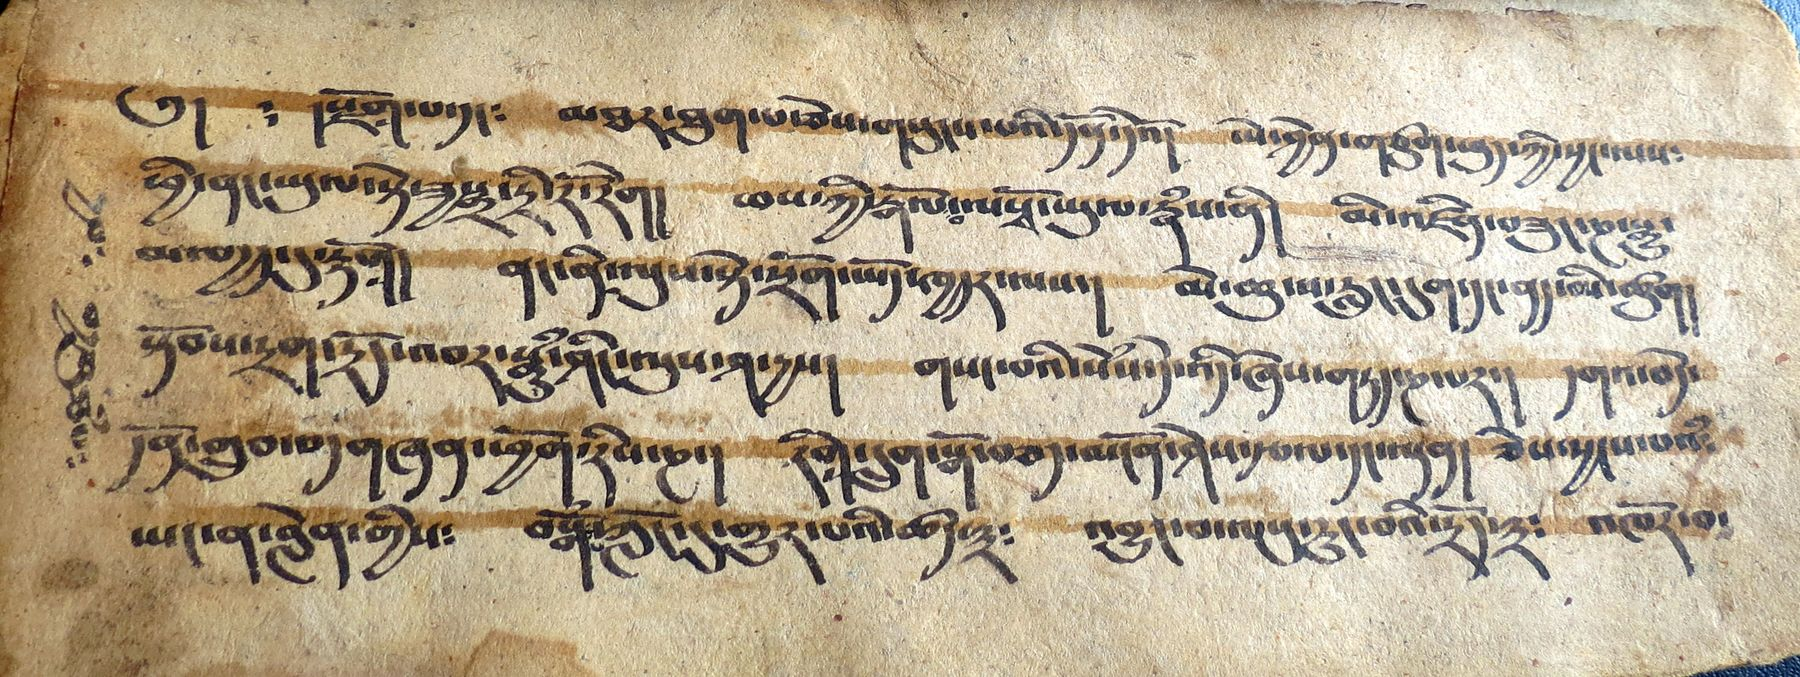རྫོགས་པ་དང་། མཐར་ཐུག་པ་ཞེས་གསུངས་པའི་དོན་དེའོ། ། ཡེ་གཤེན་གཙུག་ཕུད་ཀྱི་གསུང་ལས། 
ཕྱི་སྣང་ཡུལ་ཏེ་གཟུགས་སྒྲ་དྲི་རོ་རེག ཕས་ཀྱིས་རྒོལ་བ་ལ་སོགས་ཡུལ་རྣམས་ནི། མི་འཛིན་གཟུངས་མེད་སྒྱུ་
མ་བརྒྱད་དུ་རྟོགས། ནང་གི་ལུས་ཏེ་སྲོག་ཡོད་ཁྱད་པར་ལ། མེ་ཆུ་ས་རླུང་དུག་དང་ནད་མི་ཚུགས། 
སྟོབས་དྲག་དྲོད་འབར་སྣུམས་ཞིང་ལུས་ཤ་རྒྱས། གསང་བའི་སེམས་དེ་འདི་ཞེས་གཏད་མེད་པར། དགའ་བདེ་
དོན་གྲུབ་བདག་གཞན་ཕྱོགས་རིས་མེད། རིགས་དྲུག་སྒོ་བཅད་མངོན་ཤེས་རྩལ་དང་ལྡན། ཞེས་གསུངས་པའམ། 
ཡང་ན་བླ་ཆེན་གྱིས། སྒོམ་པ་ཀློང་དུ་གྱུར་བའི་ཚད་གསུམ། འབྱུང་བ་ལས་སུ་རུང་བའི་དྲོད་གསུམ། འཁོར་བ་